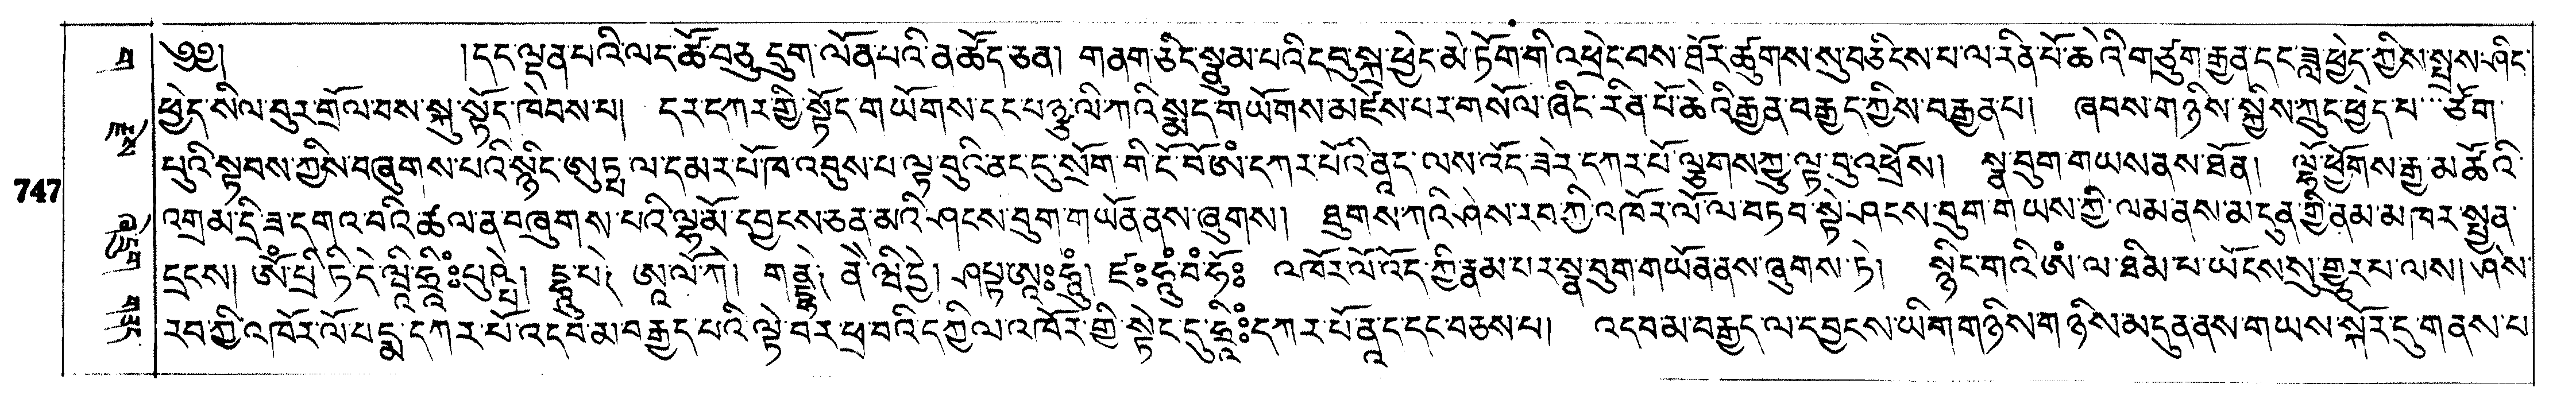༄༅། །དང་ལྡན་པའི་ལང་ཚོ་བཅུ་དྲུག་ལོན་པའི་ན་ཚོད་ཅན། གནག་ཅིང་སྣུམ་པའི་དབུ་སྐྲ་ཕྱེད་མེ་ཏོག་གི་འཕྲེང་བས་ཐོར་ཚུགས་སུ་བཅིངས་པ་ལ་རིན་པོ་ཆེའི་གཙུག་རྒྱན་དང་ཟླ་ཕྱེད་ཀྱིས་སྤྲས་ཤིང་
ཕྱེད་སིལ་བུར་གྲོལ་བས་སྐུ་སྟོང་ཁེབས་པ། དར་དཀར་གྱི་སྟོད་གཡོགས་དང་པཉྩ་ལི་ཀའི་སྨད་གཡོགས་མཛེས་པར་གསོལ་ཞིང་རིན་པོ་ཆེའི་རྒྱན་བརྒྱད་ཀྱིས་བརྒྱན་པ། ཞབས་གཉིས་སྐྱིས་ཀྲུང་ཕྱེད་པ་ཙོག་
པུའི་སྟོབས་ཀྱིས་བཞུགས་པའི་སྙིང་ཨུཏྤ་ལ་དམར་པོ་ཁ་འབུས་པ་ལྟ་བུའི་ནང་དུ་སྲོག་གི་ངོ་བོ་ཨོཾ་དཀར་པོའི་ནཱ་ད་ལས་འོད་ཟེར་དཀར་པོ་ལྕགས་ཀྱུ་ལྟ་བུ་འཕྲོས། སྣ་བུག་གཡས་ནས་ཐོན། ལྷོ་ཕྱོགས་རྒྱ་མཚོའི་
འགྲམ་དྲི་ཟ་དགའ་བའི་ཚལ་ན་བཞུགས་པའི་ལྷ་མོ་དབྱངས་ཅན་མའི་ཤངས་བུག་གཡོན་ནས་ཞུགས། ཐུགས་ཀའི་ཤེས་རབ་ཀྱི་འཁོར་ལོ་ལ་བཏབ་སྟེ་ཤངས་བུག་གཡས་ཀྱི་ལམ་ནས་མདུན་གྱི་ནམ་མཁར་སྤྱན་
དྲངས། ཨོཾ་པྲི་ཏེ་དེ་ཝཱི་ཧྲཱིཿ པུཥྤེ། དྷཱུ་པེ༑ ཨཱ་ལོ་ཀེ། གནྡྷེ༑ ནཻ་ཝི་དྱེ། ཤཔྟ་ཨཱཿ ཧཱུཾ། ཛཿ ཧཱུཾ་བཾ་ཧོཿ འཁོར་ལོ་འོད་ཀྱི་རྣམ་པར་སྣ་བུག་གཡོན་ནས་ཞུགས་ཏེ། སྙིང་གའི་ཨོཾ་ལ་ཐིམ་པ་ཡོངས་སུ་གྱུར་པ་ལས། ཤེས་
རབ་ཀྱི་འཁོར་ལོ་པདམ་དཀར་པོ་འདབ་མ་བརྒྱད་པའི་ལྟེ་བར་ཕྲ་བའི་དཀྱིལ་འཁོར་གྱི་སྟེང་དུ་ཧྲཱིཿ དཀར་པོ་ནཱ་ད་དང་བཅས་པ། འདབ་མ་བརྒྱད་ལ་དབྱངས་ཡིག་གཉིས་གཉིས་མདུན་ནས་གཡས་སྐོར་དུ་གནས་པ་